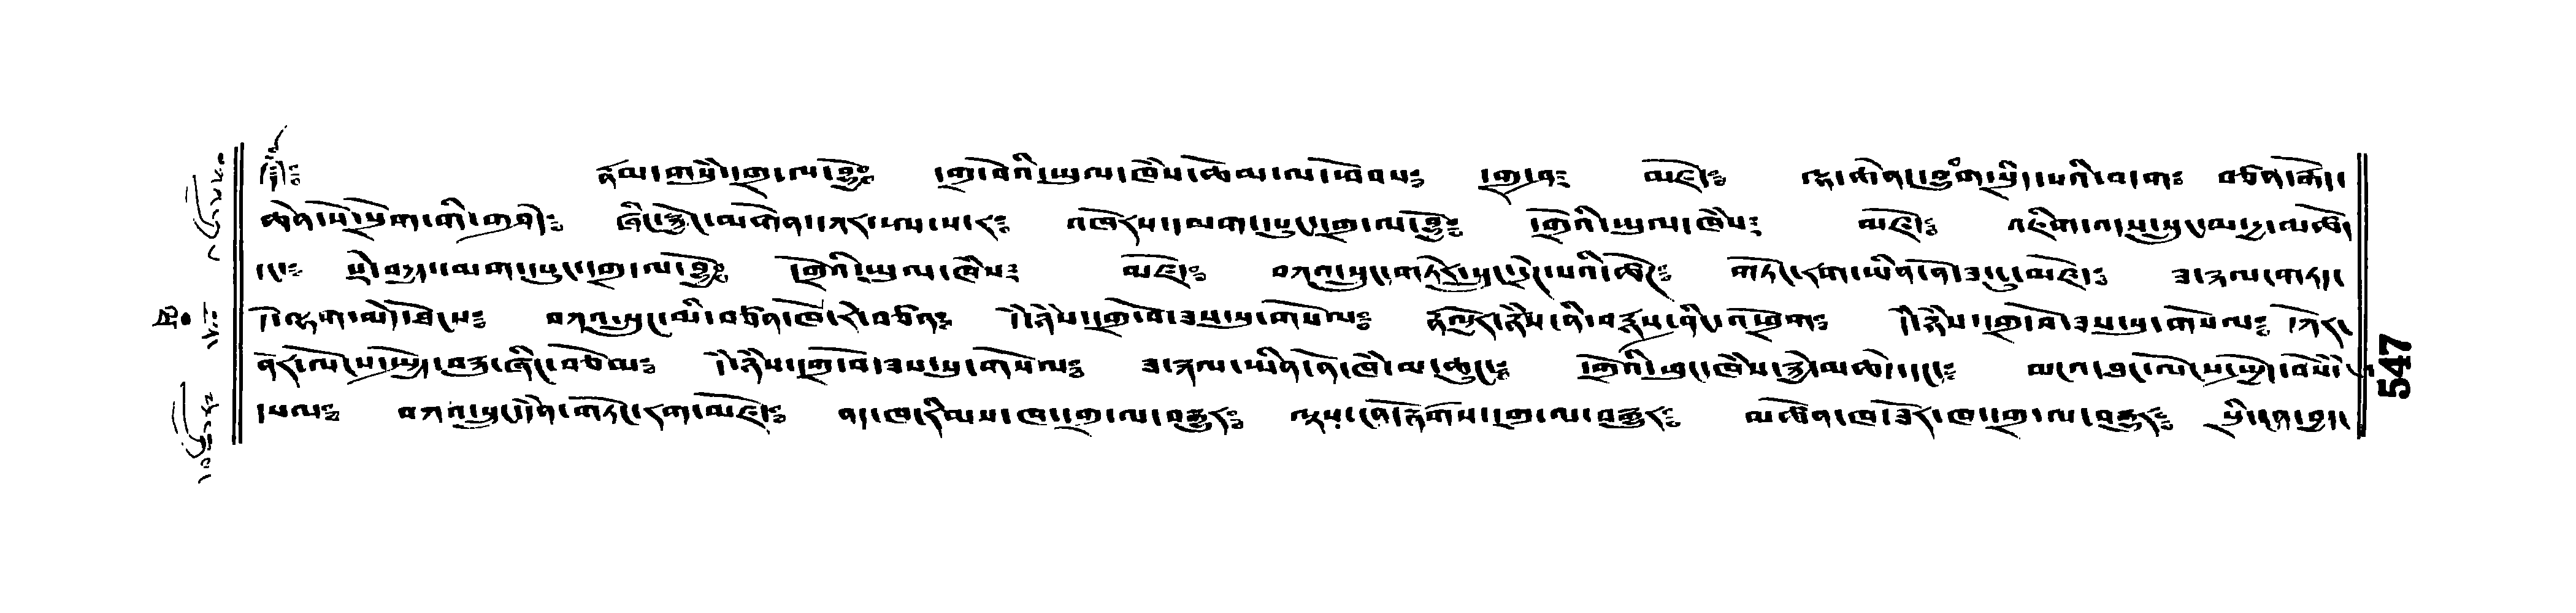རྣམ་གསུམ་དགྲ་ལ་བྷྱོ༔ དགྲ་བོའི་ཡུལ་ཁམས་ཆམ་ལ་ཕོབས༔ དགྲ་ཤ༴ མཛོད༔ ལྷ་ཆེན་དབང་ཕྱུག་སྲིད་པའི་བདག༔ བཙན་རྒོད་
ཆེན་པོ་སྲོག་གི་གཤེད༔ ཞིང་སྐྱོང་མགོན་དཀར་ཨ་པ་ར༔ འཁོར་འདས་དམག་དཔུང་དགྲ་ལ་བྷྱོ༔ དགྲ་བོའི་ཡུལ་ཁམས༴ མཛོད༔ འཇིག་འདས་སྲུང་མ་རྒྱ་མཚོ་
དང༔ སྡེ་བརྒྱད་དམག་དཔུང་དགྲ་ལ་བྷྱོ༔ དགྲ་བོའི་ཡུལ་ཁམས༴ མཛོད༔ བཀའ་སྲུང་གཏེར་སྲུང་དྲེགས་པའི་ཚོགས༔ གཏང་རག་ཡིན་ནོ་ཟ་ངུ་མཛོད༔ ཟ་སྐལ་གཏད་
དོ་ལྷག་མེད་ཐོངས༔ བཀའ་སྲུང་མི་བཙན་ཁོ་རེ་བཙན༔ དམ་ཉམས་དགྲ་བོ་ཟས་སུ་གསོལ༔ རྣལ་འབྱོར་རྣམས་ནི་བརྙས་ཤིང་འཕྲོག༔ དམ་ཉམས་དགྲ་བོ་ཟས་སུ་གསོལ༔ དཀོར་
ནོར་ལོངས་སྤྱོད་བརྐུ་ཞིང་བཅོམ༔དམ་ཉམས་དགྲ་བོ་ཟས་སུ་གསོལ༔ ཟ་སྐལ་ཡིན་ནོ་ཁམས་མ་ཆུང༔ དགྲ་བོའི་ཕུང་ཁམས་སྐྱེ་མཆེད་དང༔ མངའ་ཐང་ལོངས་སྤྱོད་བསོད་ནམས་
དཔལ༔ བཀའ་སྲུང་དམ་ཅན་གཏང་རག་མཛོད༔ ནད་ཁ་རིམས་ཁ་དགྲ་ལ་སྒྱུར༔ ལྟས་ངན་སྣ་ཚོགས་དགྲ་ལ་སྒྱུར༔ མཚོན་ཁ་ཟོར་ཁ་དགྲ་ལ་བསྒྱུར༔ སྲི་ངན་བྱད་